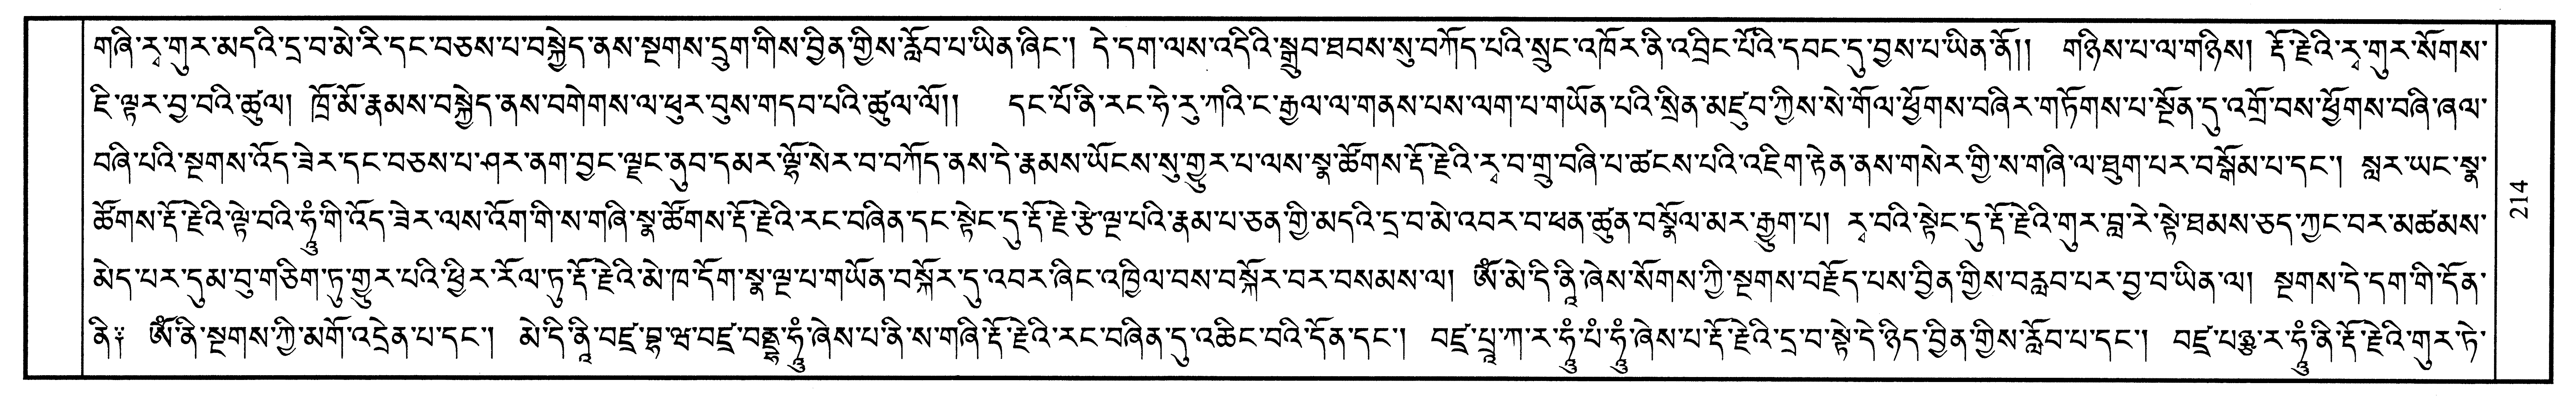གཞི་རྭ་གུར་མདའི་དྲ་བ་མེ་རི་དང་བཅས་པ་བསྐྱེད་ནས་སྔགས་དྲུག་གིས་བྱིན་གྱིས་རློབ་པ་ཡིན་ཞིང་། དེ་དག་ལས་འདིའི་སྒྲུབ་ཐབས་སུ་བཀོད་པའི་སྲུང་འཁོར་ནི་འབྲིང་པོའི་དབང་དུ་བྱས་པ་ཡིན་ནོ།། གཉིས་པ་ལ་གཉིས། རྡོ་རྗེའི་རྭ་གུར་སོགས་
ཇི་ལྟར་བྱ་བའི་ཚུལ། ཁྲོ་མོ་རྣམས་བསྐྱེད་ནས་བགེགས་ལ་ཕུར་བུས་གདབ་པའི་ཚུལ་ལོ། །དང་པོ་ནི་རང་ཧེ་རུ་ཀའི་ང་རྒྱལ་ལ་གནས་པས་ལག་པ་གཡོན་པའི་སྲིན་མཛུབ་ཀྱིས་སེ་གོལ་ཕྱོགས་བཞིར་གཏོགས་པ་སྔོན་དུ་འགྲོ་བས་ཕྱོགས་བཞི་ཞལ་
བཞི་པའི་སྔགས་འོད་ཟེར་དང་བཅས་པ་ཤར་ནག་བྱང་ལྗང་ནུབ་དམར་ལྷོ་སེར་བ་བཀོད་ནས་དེ་རྣམས་ཡོངས་སུ་གྱུར་པ་ལས་སྣ་ཚོགས་རྡོ་རྗེའི་རྭ་བ་གྲུ་བཞི་པ་ཚངས་པའི་འཇིག་རྟེན་ནས་གསེར་གྱི་ས་གཞི་ལ་ཐུག་པར་བསྒོམ་པ་དང་། སླར་ཡང་སྣ་
ཚོགས་རྡོ་རྗེའི་ལྟེ་བའི་ཧཱུཾ་གི་འོད་ཟེར་ལས་འོག་གི་ས་གཞི་སྣ་ཚོགས་རྡོ་རྗེའི་རང་བཞིན་དང་སྟེང་དུ་རྡོ་རྗེ་རྩེ་ལྔ་བའི་རྣམ་པ་ཅན་གྱི་མདའི་དྲ་བ་མེ་འབར་བ་ཕན་ཚུན་བསྣོལ་མར་རྒྱུག་པ། རྭ་བའི་སྟེང་དུ་རྡོ་རྗེའི་གུར་བླ་རེ་སྟེ་ཐམས་ཅད་ཀྱང་བར་མཚམས་
མེད་པར་དུམ་བུ་གཅིག་ཏུ་གྱུར་པའི་ཕྱིར་རོལ་ཏུ་རྡོ་རྗེའི་མེ་ཁ་དོག་སྣ་ལྔ་པ་གཡོན་བསྐོར་དུ་འབར་ཞིང་འཁྱིལ་བས་བསྐོར་བར་བསམས་ལ། ཨོཾ་མེ་དི་ནཱི་ཞེས་སོགས་ཀྱི་སྔགས་བརྗོད་པས་བྱིན་གྱིས་བརླབ་པར་བྱ་བ་ཡིན་ལ། སྔགས་དེ་དག་གི་དོན་
ནི༑ ཨོཾ་ནི་སྔགས་ཀྱི་མགོ་འདྲེན་པ་དང་། མེ་དི་ནཱི་བཛྲ་བྷ་ཝ་བཛྲ་བནྡྡྷ་ཧཱུཾ་ཞེས་པ་ནི་ས་གཞི་རྡོ་རྗེའི་རང་བཞིན་དུ་འཆིང་བའི་དོན་དང་། བཛྲ་པྲཱ་ཀ་ར་ཧཱུཾ་པཾ་ཧཱུཾ་ཞེས་པ་རྡོ་རྗེའི་དྲ་བ་སྟེ་དེ་ཉིད་བྱིན་གྱིས་རློབ་པ་དང་། བཛྲ་པཉྩ་ར་ཧཱུཾ་ནི་རྡོ་རྗེའི་གུར་ཏེ་